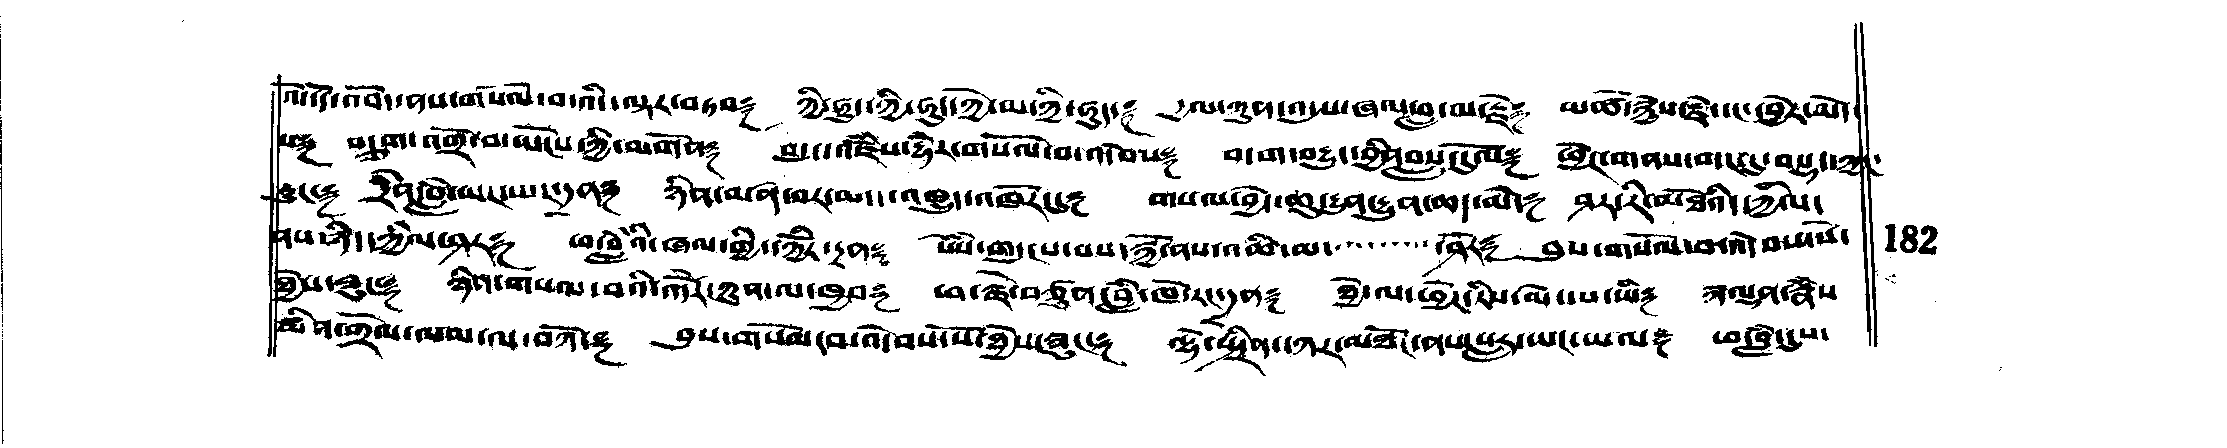འོ་དོད་འབོད་ནས་གསོལ་བ་འདི་ལྟར་བཏབ། ཀྱི་ཧུད་ཀྱི་ཧུད་ཀྱེ་མ་ཀྱི་ཧུད། །རྒྱལ་ཀུན་འདུས་ཞལ་བླ་མ་རྗེ། །མཚོ་སྐྱེས་རྗེ་དང་དབྱེར་མེད་
པ། །བདག་ཅག་འགྲོ་བ་ཡོངས་ཀྱི་མགོན། །བདུད་འཇོམས་རྡོ་རྗེར་གསོལ་བ་འདེབས། །བདག་བརྒྱུད་བྱིན་གྱིས་རླབས་དུ་གསོལ། །ཕྱོགས་གནས་གང་དུ་བསྡད་ཀྱང་
རུང་། །དྲིན་ཆེན་བླ་མ་ཡང་ཡང་དྲན། །ཉིན་མཚན་བར་མེད་འཁྱུད་འཁོར་དུ། །གསལ་བྱེད་ཆུ་རྒྱུན་རྒྱུན་ཆད་མེད། །ཤར་རི་མཐོའི་དཀྱིལ་ནས་ཉི་དཀྱིལ་
ཤར། །ཕ་བླ་མའི་ཞལ་གྱི་དཀྱིལ་འཁོར་དྲན། །སེམས་གདུངས་བས་སྐྱོ་ནས་འཆི་མ་ཤོར། །བུས་གསོལ་བ་འདེབས་སོ་
ཐུགས་རྗེས་ཟུངས། །ཉིན་གསལ་བའི་འོད་ཟེར་ཀུན་ལ་ཁྱབ། །ཕ་རྗེ་བཙུན་བླ་མ་ཁོ་རང་དྲན། །ཐུགས་རྗེ་ཕྱོགས་རིས་མེད་པ་ཡི། །སྐལ་ལྡན་རྣམས་
སྨིན་གྲོལ་ལམ་ལ་བཀོད། །བུས་གསོལ་བ་འདེབས་སོ་ཐུགས་རྗེས་ཟུངས། །ལྷོ་སྤྲིན་དཀར་མཐོང་ནས་སླར་ཡང་ཡལ། །ཕ་བླ་མ་དུས་